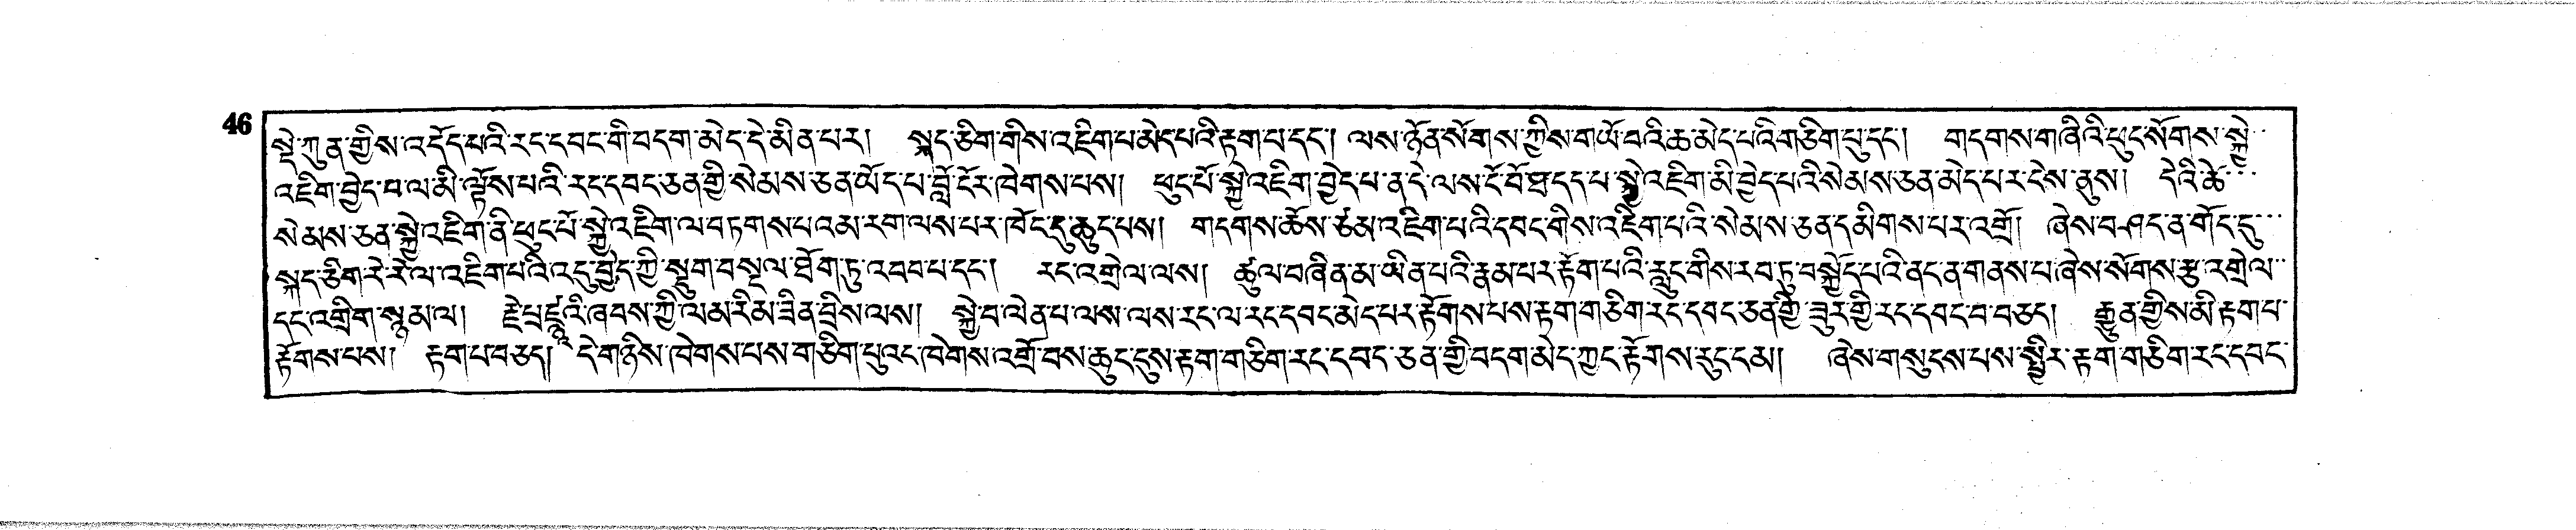སྡེ་ཀུན་གྱིས་འདོད་པའི་རང་དབང་གི་བདག་མེད་དེ་མིན་པར། སྐད་ཅིག་གིས་འཇིག་པ་མེད་པའི་རྟག་པ་དང་། ལས་ཉོན་སོགས་ཀྱིས་གཡོ་བའི་ཆ་མེད་པའི་གཅིག་པུ་དང་། གདགས་གཞིའི་ཕུང་སོགས་སྐྱེ་
འཇིགས་བྱེད་པ་ལ་མི་ལྟོས་པའི་རང་དབང་ཅན་གྱི་སེམས་ཅན་ཡོད་པ་བློ་ངོར་ཁེགས་པས། ཕུང་པོ་སྐྱེ་འཇིག་བྱེད་པ་ན་དེ་ལས་ངོ་བོ་ཐ་དད་པ་སྐྱེ་འཇིག་མི་བྱེད་པའི་སེམས་ཅན་དམིགས་པར་འགྲོ། ཞེས་བཤད་ན་གོང་དུ་
སེམས་ཅན་སྐྱེ་འཇིག་ནི་ཕུང་པོ་སྐྱེ་འཇིག་ལ་བཏགས་པའམ་རག་ལས་པར་ཁོང་དུ་ཆུད་པས། གདགས་ཆོས་ཙམ་འཇིག་པའི་དབང་གིས་འཇིགས་པའི་སེམས་ཅན་དམིགས་པར་འགྲོ། ཞེས་བཤད་ན་གོང་དུ་
སྐད་ཅིག་རེ་རེ་ལ་འཇིག་པའི་འདུ་བྱེད་ཀྱི་སྡུག་བསྔལ་ཐོག་ཏུ་འབབ་པ་དང་། རང་འགྲེལ་ལས། ཚུལ་བཞིན་མ་ཡིན་པའི་རྣམ་པར་རྟོག་པའི་རླུང་གིས་རབ་ཏུ་བསྐྱོད་པའི་ནང་ན་གནས་པ་ཞེས་སོགས་རྩ་འགྲེལ་
དང་འགྲིག་སྙམ་ལ། རྗེ་པྲ་ཛྙཱའི་ཞབས་ཀྱི་ལམ་རིམ་ཟིན་བྲིས་ལས། སྐྱེ་བ་ལེན་པ་ལས་ལས་རང་ལ་རང་དབང་མེད་པར་རྟོགས་པས་རྟག་གཅིག་རང་དབང་ཅན་གྱི་ཟུར་གྱི་རང་དབང་བ་བཅད། རྒྱུན་གྱིས་མི་རྟག་པ་
རྟོགས་པས། རྟག་པ་བཅད། དེ་གཉིས་ཁེགས་པས་གཅིག་པུའང་ཁེགས་འགྲོ་བས་ཆུང་དུས་རྟག་གཅིག་རང་དབང་ཅན་གྱི་བདག་མེད་ཀྱང་རྟོགས་རུང་དམ། ཞེས་གསུངས་པས་སྤྱིར་རྟག་གཅིག་རང་དབང་